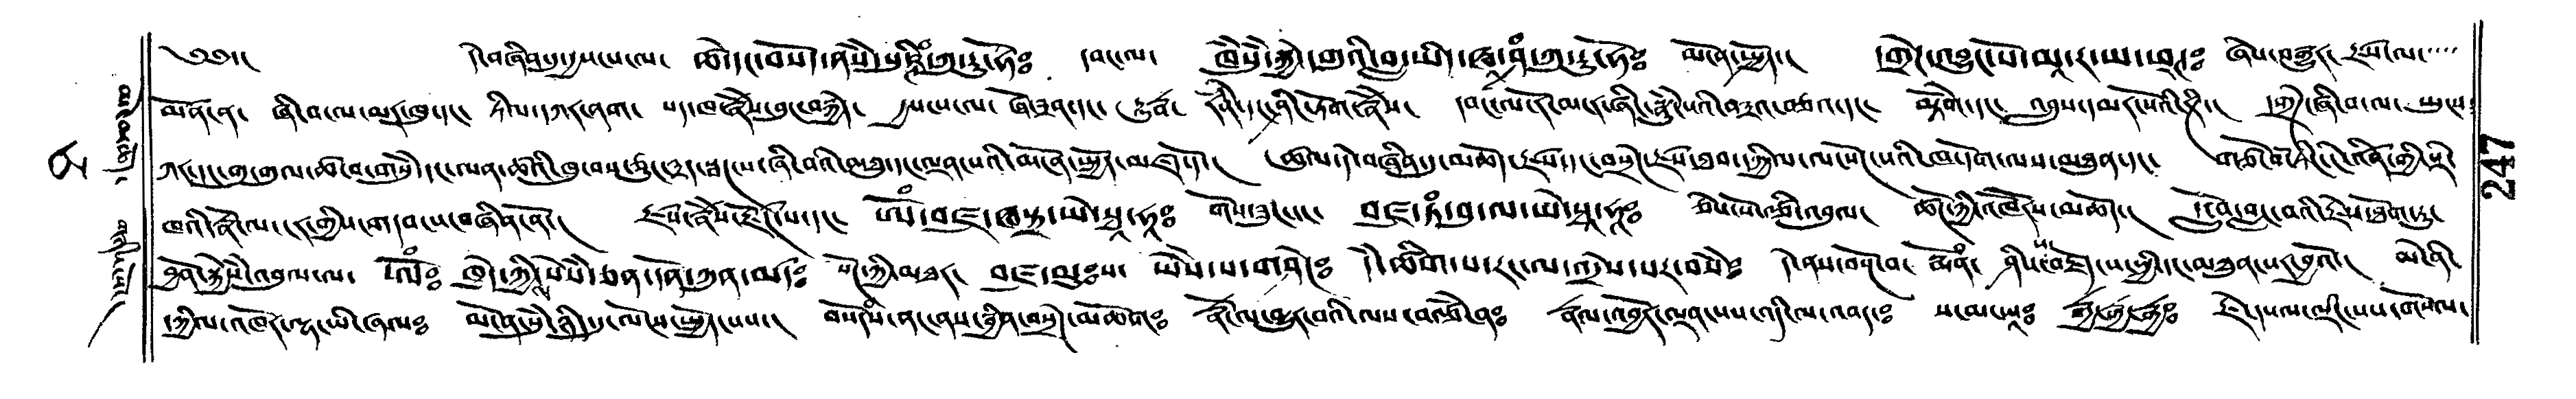དེ་བཞིན་དུ་རྒྱས་པ་ལ། ཚེ་དང་བསོད་ནམས་པུཥྚིཾ་ཀུ་རུ་ཧོཿ དབང་ལ། ཁམས་གསུམ་སྐྱེ་དགུའི་བླ་ཡིད་ཝཱའ་ཤཾ་ཀུ་རུ་ཧོཿ མངོན་སྤྱོད། དགྲ་བགེགས་འབྱུང་པོ་མཱ་ར་ཡ་ཕཱཊཿ ཞེས་བསྒྱུར། རྫས་ལ་
མཚོན་ན། ཞིབ་ལ་མར་ཁུ་དང་། ཏིལ་དཀར་ནག པད་ཁ་རྣམས་བུང་བསྐྱེད། རྒྱས་པ་ལ། ཞོ་ཟན་དང་། དཱུརྦ་རིན་ཆེན་དང་ཤིང་ཏོག་རྣམས། དབང་ལ་རོ་མངར་ཞིང་སྣུམ་པའི་བཟའ་བཅའ་དང་། མེ་ཏོག་དང་། འབྲུ་དམར་པོའི་རིགས། དགྲ་བགཻགས་ཞི་བ་ལ། ཡུངས་
ཀར་དང་གུ་གུལ་ཚ་བ་གསུམ་དང་ལན་ཚའི་ཁུས་ཅུང་ཟད་སྦགས་པ་ཞི་བའི་མཐུ་དང་ལྡན་པའི་མངོན་སྤྱོད་མཛད་དོ། ཚུལ་དེ་བཞིན་དུ་མཆོད་རྫས་དང་སྲེག་རྫས་ཐབ་དཀྱིལ་ལ་སོགས་པའི་ཁ་དོག་ལས་མཐུན་དང་། གཙོ་བོ་ཏིང་ངེ་འཛིན་གྱིས་སྡེ་
ཁའི་རྣོ་ལ་ངར་གྱིས་གདབ་པ་བཞིན་ནོ། རྫས་རྣམས་རྫོགས་པ་དང་། ཨོཾ་བཛྲ་ཝསྟྲ་ཡེ་སྭ་ཧཱཿ གོས་ཟུང་དང་། བཛྲ་ཏཾ་བུ་ལ་ཡེ་སྭ་ཧཱ༔ ཞེས་སོ་རྩི་འབུལ། ཚོགས་ཀྱི་འཁོར་ལོས་མཆོད། དངོས་གྲུབ་བླངས་བའི་རྗེས་ཐོག་ཏུ།
བྱོན་སྐྱེམས་འབུལ་ལ། ཨོཾ༔ ཁྱེད་ཀྱིས་སེམས་ཅན་དོན་ཀུན་མཛད༔ སོགས་ཀྱི་མཐར། བཛྲ་མུཿ ས། ཡེ་ཤེས་པ་གཤེགས༔ དམ་ཚིག་པ་རང་ལ་འདྲེས་པར་བསམ། དེ་ནས་བསྔོ་བ། སྨོན་ལམ། ཤིས་པ་བརྗོད་པ་སྤྱི་དང་མཐུན་པར་བྱའོ། མེ་ནི་
དཀྱིལ་འཁོར་ལྷ་ཡི་ཞལ༔ མངོན་སུམ་ཉིད་དུ་ལོངས་སྤྱོད་པས༔ བསོད་ནམས་ནང་ནས་སྦྱིན་སྲེག་མཆོག༔ རྣོ་ལ་མྱུར་བའི་ལས་བརྩམས་ན༔ རྣལ་འབྱོར་ལྡན་པས་འདི་ལ་འབད༔ ས་མ་ཡཱ༔ རྒྱ་རྒྱ་རྒྱ༔ རྗེ་དཔལ་ལྡིང་པས་གསོལ་